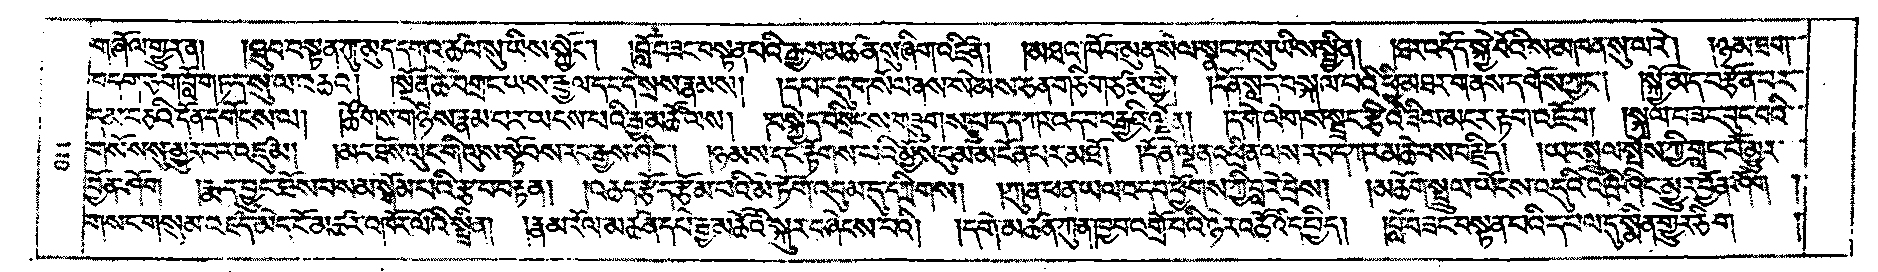གཞོལ་གྱུར་ན། །ཐུབ་བསྟན་ཀུ་མུད་དགའ་ཚལ་སུ་ཡིས་སྐྱོང་། །བློ་བཟང་བསྟན་པའི་རྒྱལ་མཚན་སུ་ཞིག་འཛིན། །མཐའ་ཁོབ་མུན་སེལ་སྣང་བ་སུ་ཡིས་སྦྱིན། །ཐར་འདོད་སྐྱེ་བོའི་ས་མཁན་སུ་ལ་རེ། །ཉམ་ཐག་
བདག་ཅག་བློ་གཏད་སུ་ལ་འཆའ། །སྔོན་ཚེ་བགྲང་ཡས་རྒྱལ་དང་དེ་སྲས་རྣམས། །དབང་དུ་གསོལ་ནས་སེམས་ཅན་གཅིག་ཙམ་གྱི། །དོན་སླད་བསྐལ་པའི་ཕྱི་མཐར་གནས་དགོས་ཀྱང་། །སྐྱོ་མེད་བརྩོན་པར་
དམ་བཅའི་དོན་དགོངས་ལ། །ཚོགས་གཉིས་རྣམ་པར་ཡངས་པའི་རྒྱ་མཚོ་ལས། །བསྐྱེད་བསྲིངས་གཟུགས་སྐུ་པད་དཀར་འདབ་བརྒྱའི་ལྗོན། །དགེ་ལེགས་སྦྲང་རྩིའི་ཟིལ་མངར་རྟག་འཇོ་བ། །སྐལ་བཟང་བུང་བའི་
གསོས་སུ་མྱུར་བར་འཛུམ། །མང་ཐོས་ལུང་གི་ལུས་སྟོབས་རབ་རྒྱས་ཤིང་། །ཉམས་དང་རྟོགས་པའི་མྱོས་བུམ་མངོན་པར་མཐོ། །དོན་ལྡན་འཕྲིན་ལས་རབ་དཀར་མཆེ་བས་བརྗིད། །ཡང་སྤྲུལ་སྤོས་ཀྱི་གླང་པོ་མྱུར་
བྱོན་ཤོག །རྨད་བྱུང་ཐོས་བསམ་སྒོམ་པའི་རྩ་བ་བརྟན། །འཆད་རྩོད་རྩོམ་པའི་མེ་ཏོག་འབུམ་དུ་དཀྲིགས། །ཀུན་ཕན་ཡལ་འདབ་ཕྱོགས་ཀྱི་བླ་རེ་བྲེས། །མཆོག་སྤྲུལ་ཡོངས་འདུའི་འཁྲི་ཤིང་མྱུར་བྱོན་ཤོག །
གསང་གསུམ་འཛད་མེད་ངོ་མཚར་འཁོར་ལོའི་སྤྲིན། །རྣམ་རོལ་མཚན་དཔེ་རྒྱ་མཚོའི་སྐུར་བཞེངས་པའི། །དགེ་མཚན་ཀུན་ཁྱབ་འགྲོ་བའི་ཉེར་མཚོའི་དཔྱིད། །བློ་བཟང་བསྟན་པའི་དཔལ་དུ་སྨིན་གྱུར་ཅིག །